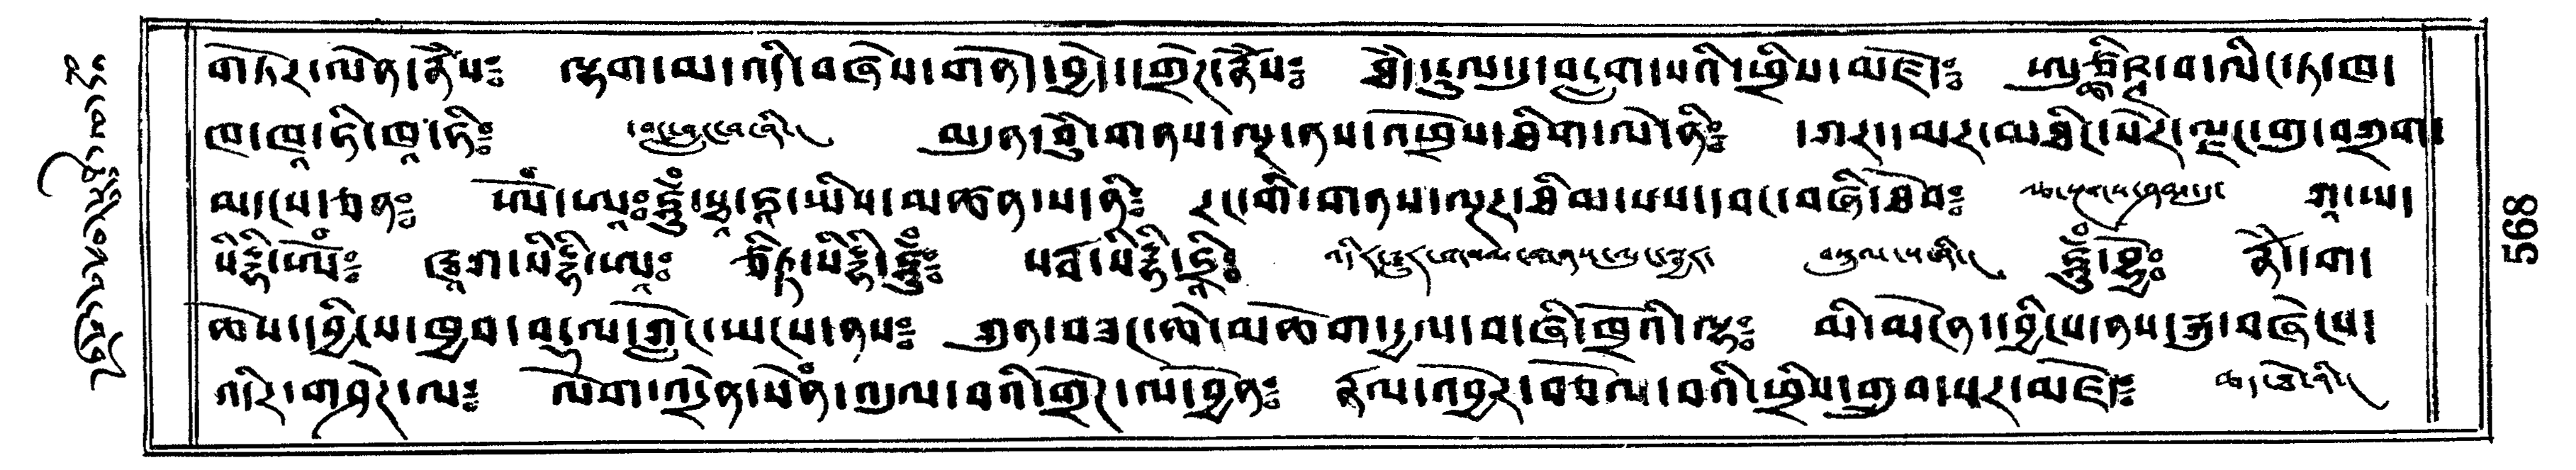གཏོར་ལེན་རྣམས༔ ལྷག་མ་འདི་བཞེས་གནོད་བྱེད་དགྲ་བགེགས་རྣམས༔ ཐམས་ཅད་རྡུལ་དུ་བརླག་པའི་ཕྲིན་ལས་མཛོད༔ ཨུཙྪིཥྚ་བ་ལིང་ཏ་ཁ་
ཁ་ཁཱ་ཧི་ཁཱ་ཧི༔ དབང་བླང་བ་ནི། མདུན་བུམ་གནས་ལྔ་ནས་འཕྲོས་ཐིག་ལེ་ནི༔ དཀར་དམར་མཐིང་སེར་ལྗང་གུ་བཀྲག་
མདངས་ཅན༔ ཨོཾ་ཨཱཿཧཱུྃ་སྭ་ཧཱ་ཡིས་མཚན་པ་ནི༔ རང་གི་གནས་ལྔར་ཐིམ་པས་དབང་བཞི་ཐོབ༔ རྩ་སྔགས་གཤམ་དུ། ཀཱ་ཡ་
སིདྡྷི་ཨོཾ༔ ཝཱཀ་སིདྡྷི་ཨཱ༔ ཙིཏྟ་སིདྡྷི་ཧཱུྃ༔ སརྦ་སིདྡྷི་ཧྲཱིཿ འདིར་ཟུར་གསལ་གནས་ལུང་སྦྱར། བསྐུལ་པ་ནི། ཧཱུྃ་བྷྱོཿ རྣམ་དག་
ཆོས་དབྱིངས་ཁྱབ་བརྡལ་ཀློང་ཡངས་ནས༔ ཀུན་བཟང་ཆེ་མཆོག་རྒྱལ་བ་ཞི་ཁྲོའི་ལྷ༔ མི་མངོན་དབྱིངས་ནས་སྐུ་བཞེངས་
འདིར་གཤེགས་ལ༔ ལོག་འདྲེན་སེམས་ཅན་འདུལ་བའི་གྲོགས་ལ་བྱོན༔ རྣལ་འབྱོར་བཅོལ་བའི་ཕྲིན་ལས་འགྲུབ་པར་མཛོད༔ ཆད་ཐོ་ནི།